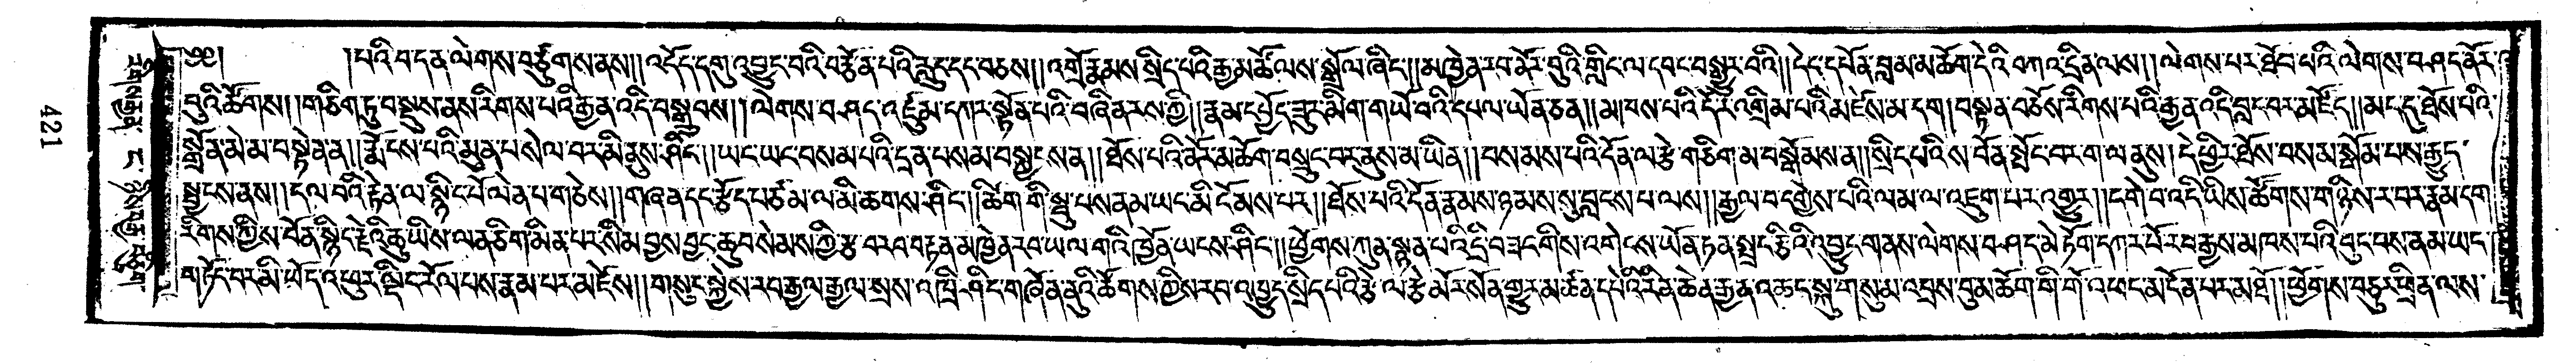༄༅། །པའི་བ་དན་ལེགས་བཙུགས་ནས། །འདོད་དགུ་འབྱུང་བའི་བརྩོན་པའི་རླུང་དང་བཅས། །འགྲོ་རྣམས་སྲིད་པའི་རྒྱ་མཚོ་ལས་སྒྲོལ་ཞིང་། །མཁྱེན་རབ་ནོར་བུའི་གླིང་ལ་དབང་བསྒྱུར་བའི། །དེད་དཔོན་བླ་མ་མཆོག་དེའི་བཀའ་དྲིན་ལས། །ལེགས་པར་ཐོབ་པའི་ལེགས་བཤད་ནོར་
བུའི་ཚོགས། །གཅིག་ཏུ་བསྡུས་ནས་རིགས་པའི་རྒྱན་འདི་བསྒྲུབས། །ལེགས་བཤད་འཛུམ་དཀར་སྟོན་པའི་བཞིན་རས་ཀྱི། །རྣམ་དཔྱོད་ཟུར་མིག་གཡོ་བའི་དཔལ་ཡོན་ཅན། །མཁས་པའི་དོར་འགྲིམ་བའི་མཛེས་མ་དག །བསྟན་བཅོས་རིགས་པའི་རྒྱན་འདི་བླང་བར་མཛོད། །མང་དུ་ཐོས་བའི་
སྒྲོན་མེ་མ་བསྟན་ན། །རྨོངས་པའི་མུན་པ་སེལ་བར་མི་ནུས་ཤིང་། །ཡང་ཡང་བསམ་པའི་དྲན་པ་ས་མ་བསྐྱངས་ན། །ཐོས་པའི་ནོར་མཆོག་བསྲུང་བར་ནུས་མ་ཡིན། །བསམས་པའི་དོན་ལ་རྩེ་གཅིག་མ་བསྒོམས་ན། སྲིད་པའི་ས་བོན་སྤོང་བར་ག་ལ་ནུས། དེ་ཕྱིར་ཐོས་བསམ་སྒོམ་པས་རྒྱུད་
སྦྱངས་ནས། །དལ་བའི་རྟེན་ལ་སྙིང་པོ་ལེན་པ་གཅེས། །གཞན་དང་རྩོད་པ་ཙམ་ལ་མི་ཆགས་ཤིང་། །ཚིག་གི་སྦུ་བས་ནམ་ཡང་མི་ངོམས་པར། །ཐོས་པའི་དོན་རྣམས་ཉམས་སུ་བླངས་པ་ལས། །རྒྱལ་པ་དགོས་པའི་ལམ་ལ་འཇུག་པར་འགྱུར། །དགེ་བ་འདི་ཡིས་ཚོགས་གཉིས་ར་བར་རྣམ་དག་
རིགས་ཀྱི་ས་བོན་སྙིང་རྗེའི་ཆུ་ཡིས་ལན་ཅིག་མིན་པར་སིམ་བྱས་བྱང་ཆུབ་སེམས་ཀྱི་རྩ་བ་རབ་བརྟན་མཁྱེན་རབ་ཡལ་གའི་ཁྱོན་ཡངས་ཤིང་། །ཕྱོགས་ཀུན་སྙན་པའི་དྲི་བཟང་གིས་འགེངས་ཡོན་ཏན་སྒྲང་རྩིའི་འབྱུང་གནས་ལེགས་བཤད་མེ་ཏོག་དཀར་པོ་རབ་རྒྱས་མཁས་བའི་བུང་བས་ནམ་ཡང་
གཏོང་བར་མི་ཕོད་འཕུར་ལྡིང་རོལ་པས་རྣམ་པར་མཛེས། །གསུང་སྐྱེས་རང་རྒྱལ་རྒྱལ་སྲས་འཁྲི་ཤིང་གཞོན་ནུའི་ཚོགས་ཀྱིས་རབ་འཁྱུད་སྲིད་པའི་རྩེ་པ་རྩེ་མོར་སོན་གྱུར་མཚན་དཔེའི་རིན་ཆེན་རྒྱན་འཆང་སྐུ་གསུམ་འབྲས་བུ་མཆོག་གི་གོ་འཕང་མངོན་པར་མཐོ། །ཕྱོགས་བཅུར་ཕྲིན་ལས་